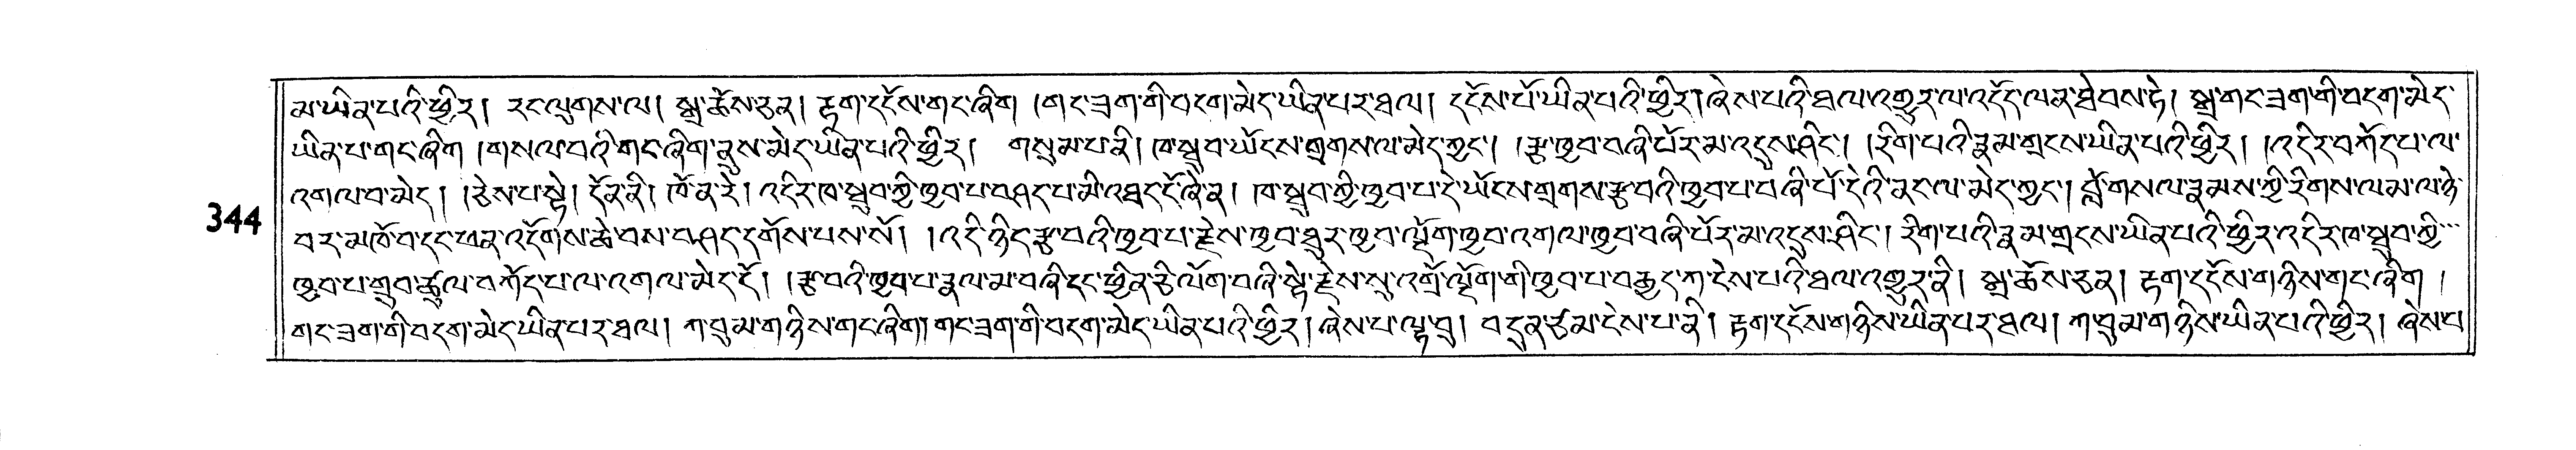མ་ཡིན་པའི་ཕྱིར། རང་ལུགས་ལ། སྒྲ་ཆོས་ཅན། རྟག་དངོས་གང་ཞིག །གང་ཟག་གི་བདག་མེད་ཡིན་པར་ཐལ། དངོས་པོ་ཡིན་པའི་ཕྱིར། ཞེས་པའི་ཐལ་འགྱུར་ལ་འདོད་ལན་ཐེབས་ཏེ། སྒྲ་གང་ཟག་གི་བདག་མེད་
ཡིན་པ་གང་ཞིག །གསལ་བའི་གང་ཞིག་ནུས་མེད་ཡིན་པའི་ཕྱིར། གསུམ་པ་ནི། ཁ་སྦུབ་ཡོངས་གྲགས་ལ་མེད་ཀྱང་། །རྩ་ཁྱབ་བཞི་པོར་མ་འདུས་ཤིང་། །རིག་པའི་རྣམ་གྲངས་ཡིན་པའི་ཕྱིར། །འདིར་བཀོད་པ་ལ་
འགལ་བ་མེད། །ཅེས་པ་སྟེ། དོན་ནི། ཁོ་ན་རེ། འདིར་ཁ་སྦུབ་ཀྱི་ཁྱབ་པ་བཤད་པ་མི་འཐད་དོ་ཞེ་ན། ཁ་སྦུབ་ཀྱི་ཁྱབ་པ་དེ་ཡོངས་གྲགས་རྩ་བའི་ཁྱབ་པ་བཞི་པོ་དེའི་ནང་ལ་མེད་ཀྱང་། བློ་གསལ་རྣམས་ཀྱི་རིགས་ལམ་ལ་ཉེ་
བར་མཁོ་བ་དང་ཕན་འདོགས་ཆེ་བས་བཤད་དགོས་པས་སོ། །འདི་ཉིད་རྩ་བའི་ཁྱབ་པ་རྗེས་ཁྱབ་ཐུར་ཁྱབ་ལྡོག་ཁྱབ་འགལ་ཁྱབ་བཞི་པོར་མ་འདུས་ཤིང་། རིག་པའི་རྣམ་གྲངས་ཡིན་པའི་ཕྱིར་འདིར་ཁ་སྦུབ་ཀྱི་
ཁྱབ་པ་གྲུབ་ཚུལ་བཀོད་པ་ལ་འགལ་མེད་དོ། །རྩ་བའི་ཁྱབ་པ་རྣལ་མ་བཞི་དང་ཕྱིན་ཅི་ལོག་བཞི་སྟེ་རྗེས་སུ་འགྲོ་ལྡོག་གི་ཁྱབ་པ་བརྒྱད་ཀ་ངེས་པའི་ཐལ་འགྱུར་ནི། སྒྲ་ཆོས་ཅན། རྟག་དངོས་གཉིས་གང་ཞིག །
གང་ཟག་གི་བདག་མེད་ཡིན་པར་ཐལ། ཀ་བུམ་གཉིས་གང་ཞིག །གང་ཟག་གི་བདག་མེད་ཡིན་པའི་ཕྱིར། ཞེས་པ་ལྟ་བུ། བདུན་ཙམ་ངེས་པ་ནི། རྟག་དངོས་གཉིས་ཡིན་པར་ཐལ། ཀ་བུམ་གཉིས་ཡིན་པའི་ཕྱིར། ཞེས་པ་